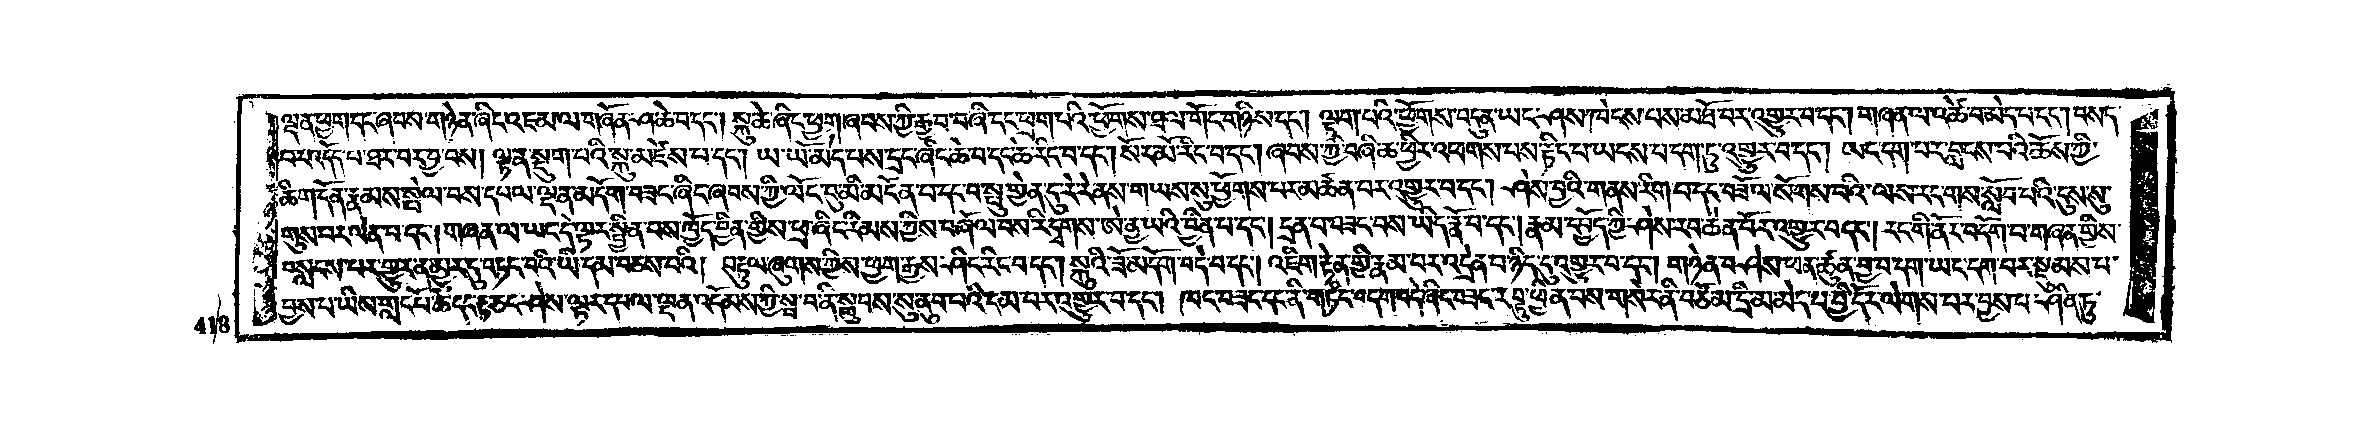ལྡན་ཕྱག་དང་ཞབས་གཉེན་ཞིང་འཇམ་ལ་གཞོན་ཤ་ཆེ་བ་དང་། སྐུ་ཆེ་ཞིང་ཕྱག་ཞབས་ཀྱི་རྒྱབ་བཞི་དང་ཕྲག་པའི་ཕྱོགས་ཐལ་གོང་གཉིས་དང་། ལྟག་པའི་ཕྱོགས་བདུན་ཡང་ཤས་ཁེངས་པས་མཐོ་བར་འགྱུར་བ་དང་། གཞན་ལ་འཚེ་བ་མེད་པ་དང་། བསད་
པར་འདོད་པ་ཐར་བར་བྱ་བས། ལྟ་ན་སྡུག་པའི་སྐུ་མཛེས་པ་དང་། ཡ་ཡོ་མེད་པས་དྲང་ཞིང་ཆེ་བ་དང་ཚེ་རང་བ་དང་། སོར་མོ་རིང་བ་དང་། ཞབས་ཀྱི་བཞི་ཆ་ཕྱིར་འཕགས་པས་རྟིང་པ་ཡངས་པ་དག་ཏུ་འགྱུར་བ་དང་། ཡང་དག་པར་བླངས་པའི་ཆོས་ཀྱི་
ཚིག་དོན་རྣམས་སྤེལ་བས་དཔལ་ལྡན་མདོག་བཟང་ཞིང་ཞབས་ཀྱི་ལོང་བུ་མི་མངོན་པ་དང་བ་སྤུ་གྱེན་དུ་རེ་རེ་ནས་གཡས་སུ་ཕྱོགས་པར་མཚན་པར་འགྱུར་བ་དང་། ཤེས་བྱའི་གནས་རིག་པ་དང་བཟོ་ལ་སོགས་པའི་ལས་རང་གུས་སློབ་པའི་དུས་སུ་
གུས་པར་ལེན་པ་དང་། གཞན་ལ་ཡང་དེ་ལྟར་སྦྱིན་པས་ཁྱོད་བྱིན་གྱིས་ཕྲ་ཞིང་རིམས་ཀྱིས་བཞོལ་བས་རི་དྭགས་ཨེ་ནཡ་ཡའི་བྱིན་པ་དང་། དྲན་པ་བཟང་བས་ཡིད་རྣོ་བ་དང་། རྣམ་དཔྱོད་ཀྱི་ཤེས་རབ་ཆེན་པོར་འགྱུར་བ་དང་། རང་གི་ནོར་བདོག་པ་གཞན་གྱིས་
བསླངས་པར་གྱུར་ན་མྱུར་དུ་བཏང་བའི་ཡི་དམ་བཅས་པའི། བརྟུལ་ཞུགས་ཀྱིས་ཕྱག་རྒྱས་ཤིང་རིང་བ་དང་། སྐུའི་ཟོ་མདོག་བདེ་བ་དང་། འཇིག་རྟེན་གྱི་རྣམ་པར་འདྲེན་པ་ཉིད་དུ་འགྱུར་བ་དང་། གཉེན་བཤེས་ཕན་ཚུན་བྱ་བ་དག་ཡང་དག་པར་སྡུམས་པ་
བྱས་པ་ཡིས་གླང་པོ་ཆེ་དང་རྟ་ཅང་ཤེས་ལྟར་དཔལ་ལྡན་འདོམས་ཀྱི་སྦ་བ་ནི་སྒྲུབས་སུ་ནུབ་པའི་དམ་པར་འགྱུར་བ་དང་། ཁང་བཟང་དང་ནི་གཏིང?་བདག་བདེ་ཞིང་བཟང་རབ་ཏུ་ཕྱིན་པས་གསེར་ནི་བཙོམ་དྲི་མ་མེད་པ་བྱི་དོར་ལེགས་པར་བྱས་པ་ཤིན་ཏུ་